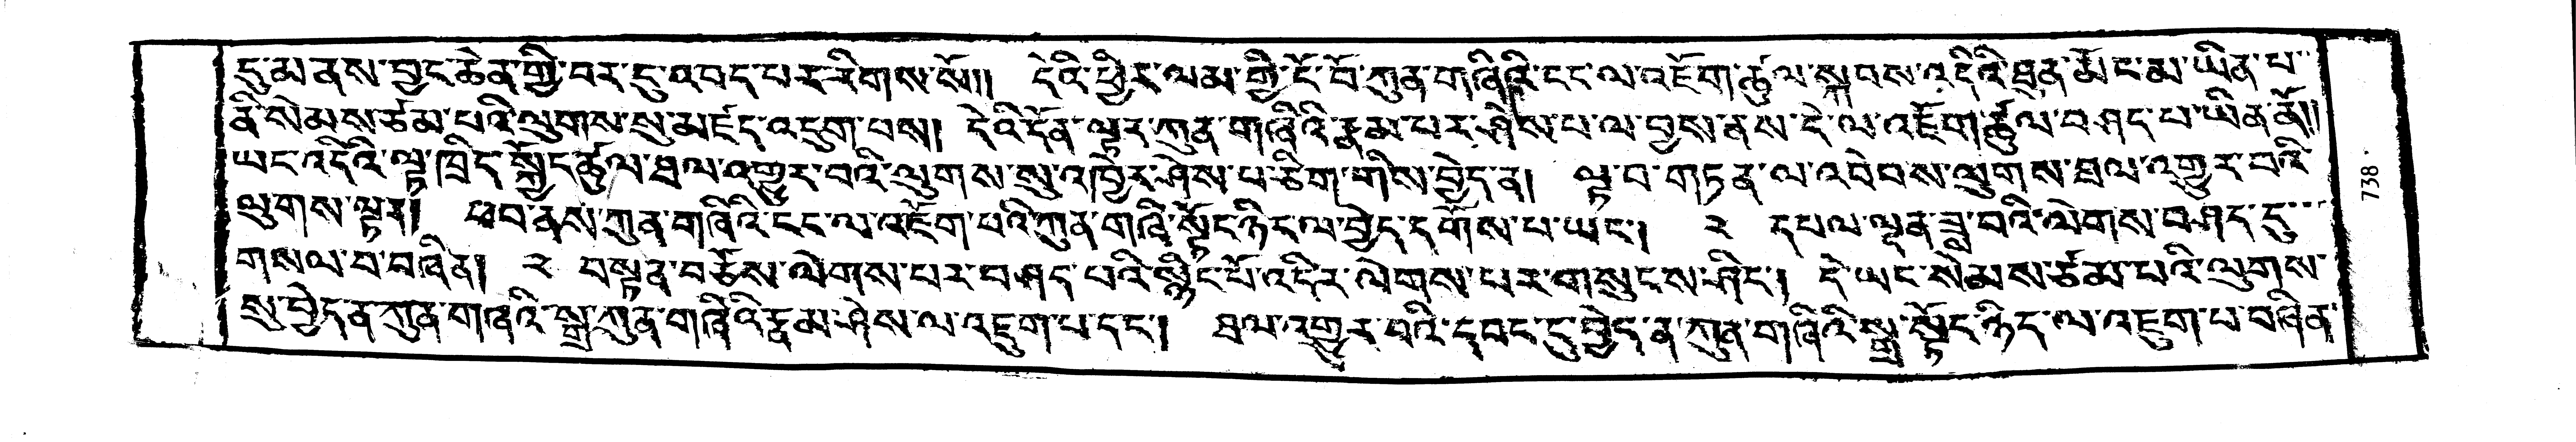དུ་མ་ནས་བྱང་ཆེན་གྱི་བར་དུ་འབད་པར་རིགས་སོ།། དེའི་ཕྱིར་ལམ་གྱི་ངོ་བོ་ཀུན་གཞིའི་ངང་ལ་འཇོག་ཚུལ་སྐབས་འདིའི་ཐུན་མོང་མ་ཡིན་པ་
ནི་སེམས་ཙམ་པའི་ལུགས་སུ་མཛད་འདུག་པས། དེའི་དོན་ལྟར་ཀུན་གཞིའི་རྣམ་པར་ཤེས་པ་ལ་བྱས་ནས་དེ་ལ་འཇོག་ཚུལ་བཤད་པ་ཡིན་ནོ།།
ཡང་འདིའི་ལྟ་ཁྲིད་སྐྱོང་ཚུལ་ཐལ་འགྱུར་བའི་ལུགས་སུ་འཁྱེར་ཤེས་པ་ཅིག་གིས་བྱེད་ན། ལྟ་བ་གཏན་ལ་འབེབས་ལུགས་ཐལ་འགྱུར་བའི་
ལུགས་ལྟར། ཕབ་ནས་ཀུན་གཞིའི་ངང་ལ་འཇོག་པའི་ཀུན་གཞི་སྟོང་ཉིད་ལ་བྱེད་དགོས་པ་ཡང་། ༢་དཔལ་ལྡན་ཟླ་བའི་ལེགས་བཤད་དུ་
གསལ་བ་བཞིན། ༢་བསྟན་བཅོས་ལེགས་པར་བཤད་པའི་སྙིང་པོ་འདིར་ལེགས་པར་གསུངས་ཤིང་། དེ་ཡང་སེམས་ཙམ་པའི་ལུགས་
སུ་བྱེད་ན་ཀུན་གཞིའི་སྒྲ་ཀུན་གཞིའི་རྣམ་ཤེས་ལ་འཇུག་པ་དང་། ཐལ་འགྱུར་བའི་དབང་དུ་བྱེད་ན་ཀུན་གཞིའི་སྒྲ་སྟོང་ཉིད་ལ་འཇུག་པ་བཞིན་